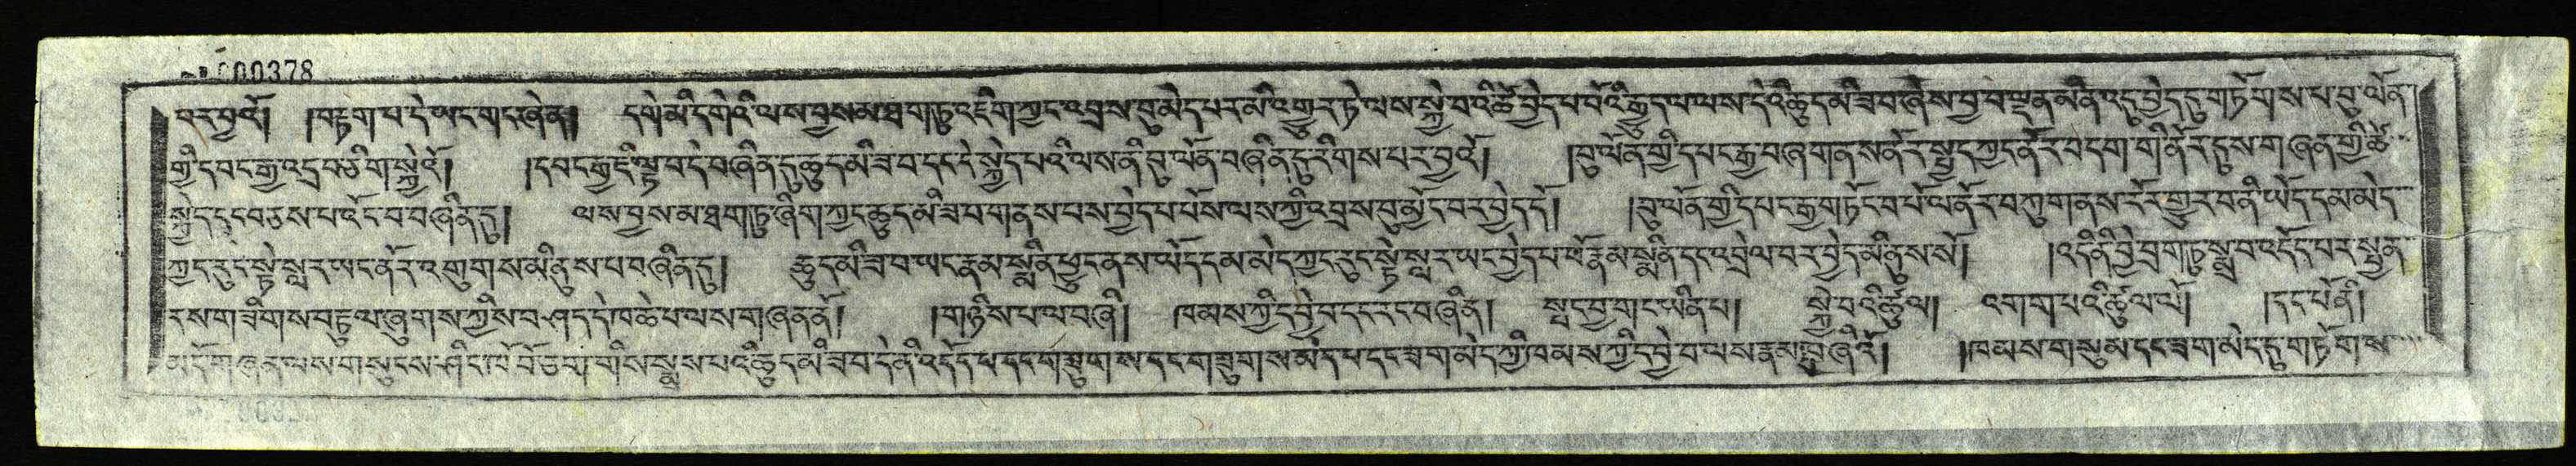བར་བྱའོ། །བརྟག་པ་དེ་ཡང་གང་ཞེ་ན། དགེ་མི་དགེའི་ལས་བྱས་མ་ཐག་ཏུ་འཇིག་ཀྱང་འབྲས་བུ་མེད་པར་མི་འགྱུར་ཏེ་ལས་སྐྱེ་བའི་ཚེ་བྱེད་པ་པོའི་རྒྱུད་ལ་ལས་དེའི་ཆུད་མི་ཟ་བ་ཞེས་བྱ་བ་ལྡན་མིན་འདུ་བྱེད་དུ་གཏོགས་པ་བུ་ལོན་
གྱི་དབང་རྒྱ་འདྲ་བ་ཅིག་སྐྱེའོ། །དབང་རྒྱ་ཇི་ལྟ་བ་དེ་བཞིན་དུ་ཆུད་མི་ཟ་བ་དང་དེ་སྐྱེད་པའི་ལས་ནི་བུ་ལོན་བཞིན་དུ་རིགས་པར་བྱའོ། །བུ་ལོན་གྱི་དབང་རྒྱ་བཞག་ནས་ནོར་སྤྱད་ཀྱང་ནོར་བ་དག་གི་ནོར་དུས་གཞན་གྱི་ཚེ་
སྐྱེད་དང་བཅས་པ་འོང་བ་བཞིན་དུ། ལས་བྱས་མ་ཐག་ཏུ་ཞིག་ཀྱང་ཆུད་མི་ཟ་བ་གནས་པས་བྱེད་པ་པོས་ལས་ཀྱི་འབྲས་བུ་མྱོང་བར་བྱེད་དོ། །བུ་ལོན་གྱི་དཔང་རྒྱ་གཏོང་བ་པོ་ལ་ནོར་བཀུག་ནས་རོར་གྱུར་བ་ནི་ཡོད་དམ་མེད་
ཀྱང་རུང་སྟེ་སླར་ཡང་ནོར་འགུགས་མི་ནུས་པ་བཞིན་དུ། ཆུད་མི་ཟ་བ་ཡང་རྣམ་སྨིན་ཕྱུང་ནས་ཡོད་དམ་མེད་ཀྱང་རུང་སྟེ་སླར་ཡང་བྱེད་པ་པོ་རྣམ་སྨིན་དང་འབྲེལ་བར་བྱེད་མི་ནུས་སོ། །འདི་ནི་བྱེ་བྲག་ཏུ་སྨྲ་བ་འདོད་པར་སྤྱན་
རས་གཟིགས་བརྟུལ་ཞུགས་ཀྱིས་བཤད་དེ་ཁ་ཆེ་པ་ལས་གཞན་ནོ། །གཉིས་པ་ལ་བཞི། ཁམས་ཀྱི་དབྱེ་བ་དང་རང་བཞིན། སྤང་བྱ་གང་ཡིན་པ། སྐྱེ་བའི་ཚུལ། འགག་པའི་ཚུལ་ལོ། །དང་པོ་ནི།
མདོ་གཞན་ལས་གསུངས་ཤིང་ཁོ་བོ་ཅག་གིས་སྨྲས་པའི་ཆུད་མི་ཟ་བ་དེ་ནི་འདོད་པ་དང་གཟུགས་དང་གཟུགས་མེད་པ་དང་ཟག་མེད་ཀྱི་ཁམས་ཀྱི་དབྱེ་བ་ལས་རྣམ་པ་བཞིའོ། །ཁམས་གསུམ་དང་ཟག་མེད་དུ་གཏོགས་